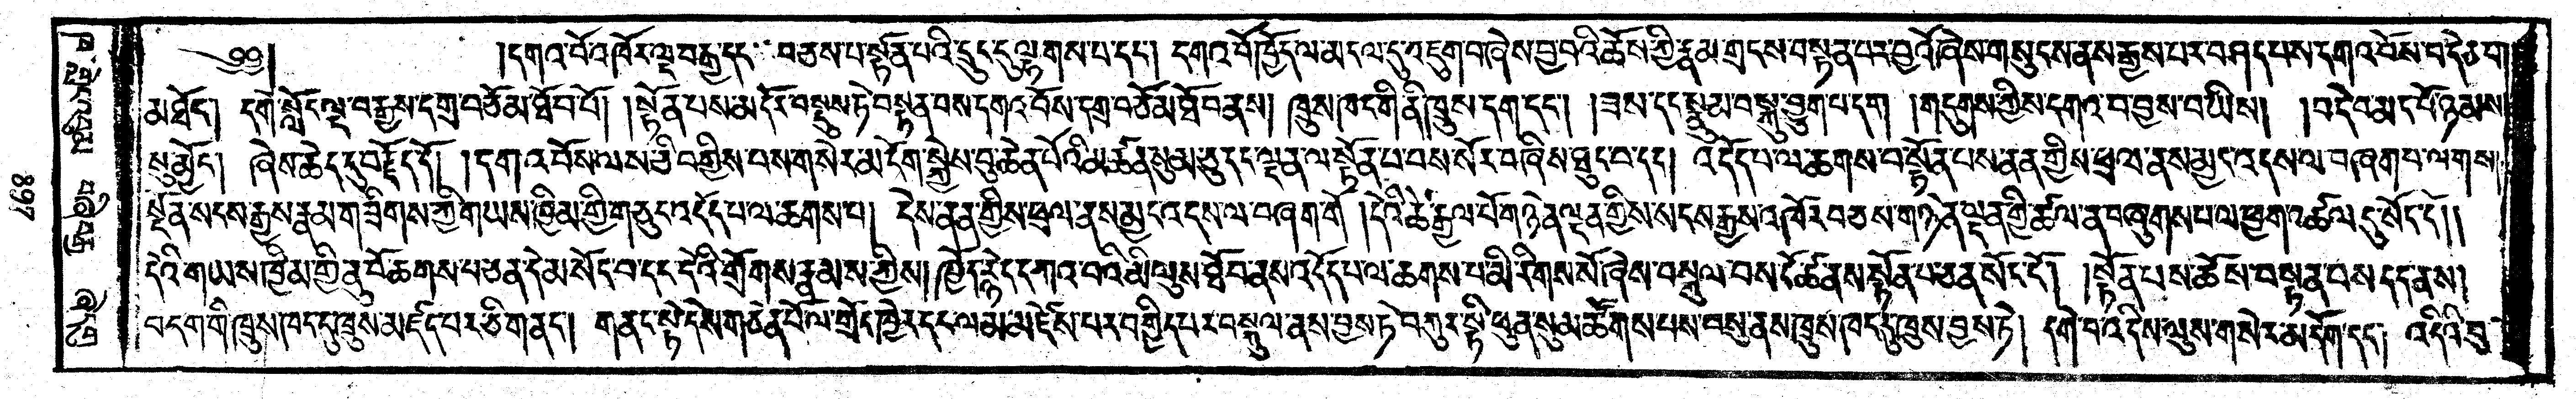༄༅། །དགའ་བོ་འཁོར་ལྔ་བརྒྱ་དང་བཅས་པ་སྟོན་པའི་དྲུང་དུ་ལྷགས་པ་དང་། དགའ་བོ་ཁྱོད་ལ་མདལ་དུ་འཇུག་བ་ཞེས་བྱ་བའི་ཆོས་ཀྱི་རྣམ་གྲངས་བསྟན་པར་བྱའོ་ཞེས་གསུངས་ནས་རྒྱས་པར་བཤད་པས་དགའ་བོས་བདེ་ཅག་
མཐོང་། དགེ་སློང་ལྔ་བརྒྱས་དགྲ་བཅོམ་ཐོབ་བོ། །སྟོན་པས་མདོར་བསྡུས་ཏེ་བསྟན་པས་དགའ་བོས་དགྲ་བཅོམ་ཐོབ་ནས། ཁྲུས་ཁང་གི་ནི་ཁྲུས་དག་དང་། །ཟས་དང་སྣུམ་བསྐུ་བྱུག་པ་དག །གདུགས་ཀྱིས་དགའ་བ་བྱས་པ་ཡིས། །བདེ་བ་མང་པོ་ཉམས་
སུ་མྱོང་། ཞེས་ཆེད་དུ་བརྗོད་དོ། །དགའ་བོས་ལས་ཅི་བགྱིས་བས་གསེར་མདོག་སྐྱེས་བུ་ཆེན་པོའི་མཚན་སུམ་ཅུ་དང་ལྡན་ལ་སྟོན་པ་བས་སོར་བཞིས་ཐུང་བ་དང་། འདོད་པ་ལ་ཆགས་བ་སྟོན་པས་ནན་གྱིས་ཕྲལ་ནས་མྱང་འདས་ལ་བཞག་པ་ལགས།
སྔོན་སངས་རྒྱས་རྣམ་གཟིགས་ཀྱི་གཡས་ཁྱིམ་གྱི་གཅུང་འདོད་པ་ལ་ཆགས་པ། དེས་ནན་གྱིས་ཕྲལ་ནས་མྱང་འདས་ལ་བཞོག་གོ །དེའི་ཚེ་རྒྱལ་པོ་གཉེན་ལྡན་གྱིས་སངས་རྒྱས་འཁོར་བཅས་གཉེན་ལྡན་གྱི་ཚལ་ན་བཞུགས་པ་ལ་ཕྱག་འཚལ་དུ་སོང་ངོ། །
དེའི་གཡས་ཁྱིམ་གྱི་ནུ་བོ་ཆགས་པ་ཅན་དེ་མ་སོང་བ་དང་དེའི་གྲོགས་རྣམས་ཀྱིས། ཁྱོད་རྙེད་དཀའ་བའི་མི་ལུས་ཐོབ་ནས་འདོད་པ་ལ་ཆགས་པ་མི་རིགས་སོ་ཞེས་བསྐུལ་བས་ངོ་ཚ་ནས་སྟོན་པ་ཅན་སོང་ངོ། །སྟོན་པས་ཆོས་བསྟན་པ་སྡད་ནས།
བདག་གི་ཁྲུས་ཁང་དུ་ཁྲུས་མཛད་པར་ཅིག་ནང་། གནང་སྟེ་དེས་གཅེན་པོ་ལ་གྲོང་ཁྱེར་དང་ལམ་མཛེས་པར་བགྱིད་པར་བསྐུལ་ནས་བྱས་ཏེ་བཀུར་སྟི་ཕུན་སུམ་ཚོགས་པས་བསུ་ནས་ཁྲུས་ཁང་དུ་ཁྲུས་བྱས་ཏེ། དགེ་བ་འདིས་ལུས་གསེར་མདོག་དང་། འདིའི་བུ་